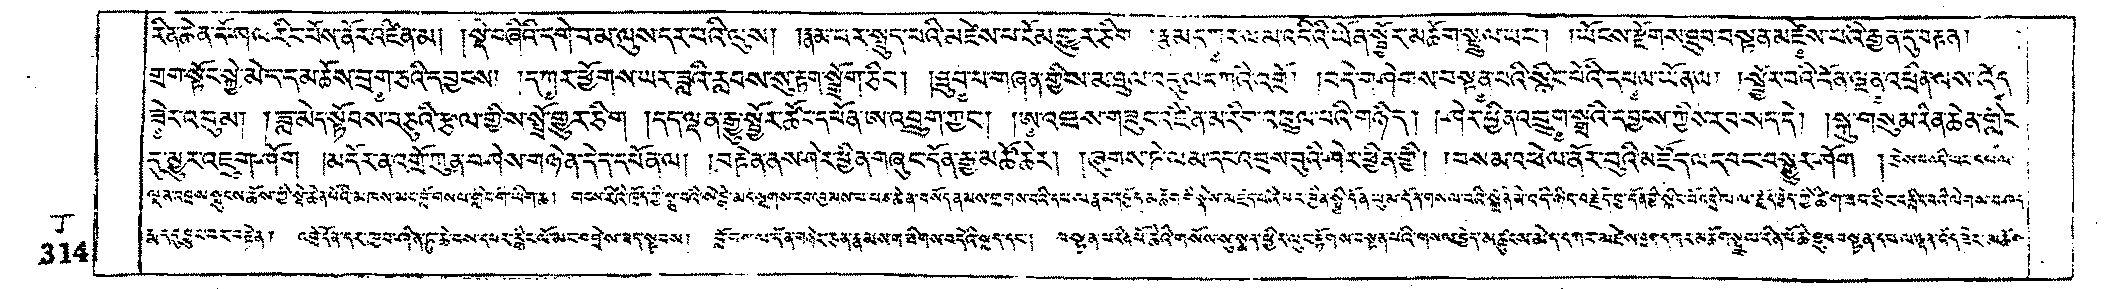རིན་ཆེན་དོ་ཤལ་རིང་པོས་ནོར་འཛིན་མ། །སྡེ་བཞིའི་དགེ་བ་མ་ལུས་དར་བའི་ལུས། །རྣམ་པར་སྤུད་པའི་མཛེས་པ་ངོམ་གྱུར་ཅིག །རྣམ་དཀར྾་ལམ་འདིའི་ཡོན་སྦྱོར་མཆོག་སྤྲུལ་ཡང་། །ཡོངས་རྫོགས་ཐུབ་བསྟན་མཛེས་པའི་རྒྱན་དུ་བརྟན། །
གྲག་སྟོང་སྐྱེ་མེད་དམ་ཆོས་བྲག྾་ཅའི་དབྱངས། །དཀར྾་ཕྱོགས་ཡར་ཟླའི་རླབས་སུ་རྟག་སྒྲོག་ཅིང་། །ཐུབ྾་པ་གཞན་གྱིས་མ་ཐུལ་འདུལ་དཀའི་འགྲོ། །བདེ་གཤེགས་བསྟན྾་པའི་སྙིང་པོའི་དཔལ྾་ཡོན་ལ། །སྦྱོར་བའི་དོན་ལྡན྾་འཕྲིན་ལས་འོད྾་
ཟེར྾་འབུམ། །ཟླ་མེད་སྟོབས་བཅུའི་རྩལ་གྱིས་སྤྲོ་གྱུར་ཅིག །དད་ལྡན་རྒྱུ་སྦྱོར་ཚོང་དཔོན་ཨ་འབྲུག་ཀྱང་། །ཨ྾་འཐས་གཟུང་འཛིན་མ་རིག་འཁྲུལ་པའི་གཉིད། །ཤེར་ཕྱིན་འབྲུག་སྒྲའི་དབྱངས་ཀྱིས་རབ་བསད་དེ། །སྐུ་གསུམ་རིན་ཆེན་གླིང་
དུ་མྱུར་འཇུག་ཤོག །མདོར་ན་འགྲོ་ཀུན་བཤེས་གཉེན་དེད་དཔོན་ལ། །བརྟེན་ནས་ཤེར་ཕྱིན་གཞུང་དོན་རྒྱ་མཚོ་ཆེར། །ཞུགས་ཏེ་ལམ་དང་འབྲས་བུའི་ཤེར་ཕྱིན་གྱི། །བསམ་འཕེལ་ནོར་བུའི་མཛོད་ལ་དབང་བསྒྱུར་ཤོག །ཅེས་པ་འདི་ཡང་དཔལ་
ལྡན་འབྲས་སྤུངས་ཆོས་ཀྱི་སྡེ་ཆེན་པོའི་མཁས་མང་བློ་གསལ་གླིང་གི་ཡིག་ཆ། གངས་རིའི་ཁྲོད་ཀྱི་སྨྲ་བའི་སེངྒེ་མདོ་སྔགས་རབ་འབྱམས་པ་པཎ་ཆེན་བསོད་ནམས་གྲགས་པའི་དཔལ་རྣམ་དཔྱོད་མཆོག་གི་སྡེས་མཛད་པའི་ཕར་ཕྱིན་སྤྱི་དོན་ཡུམ་དོན་གསལ་བའི་སྒྲོན་མེ་འདི་ཉིད་བརྗོད་བྱ་དོན་གྱི་སྙིང་པོ་འདྲིལ་ལ་རྗོད་བྱེད་ཀྱི་ཚིག་ཟབ་ཅིང་བརླིང་བའི་ལེགས་བཤད་
རྨད་དུ་བྱུང་བར་བརྟེན། འགྲོ་དོན་དར་ཁྱབ་ཤིན་ཏུ་ཆེ་བས་དཔར་རྙིང་ལོ་མང་བགྲེས་ཟད་སྟབས། བློ་གསལ་དོན་གཉེར་ཅན་རྣམས་གཟིགས་བདེའི་སླད་དང་། བསྟན་པ་རིན་པོ་ཆེའི་གསོས་སུ་སྨན་ཕྱིར་ལུང་རྟོགས་བསྟན་པའི་གསལ་བྱེད་མཚུངས་མེད་དཀར་མཛེས་བྲག་དཀར་མཆོག་སྤྲུལ་རིན་པོ་ཆེ་ཐུབ་བསྟན་དཔལ་ལྡན་འོད་ཟེར་མཆོག་